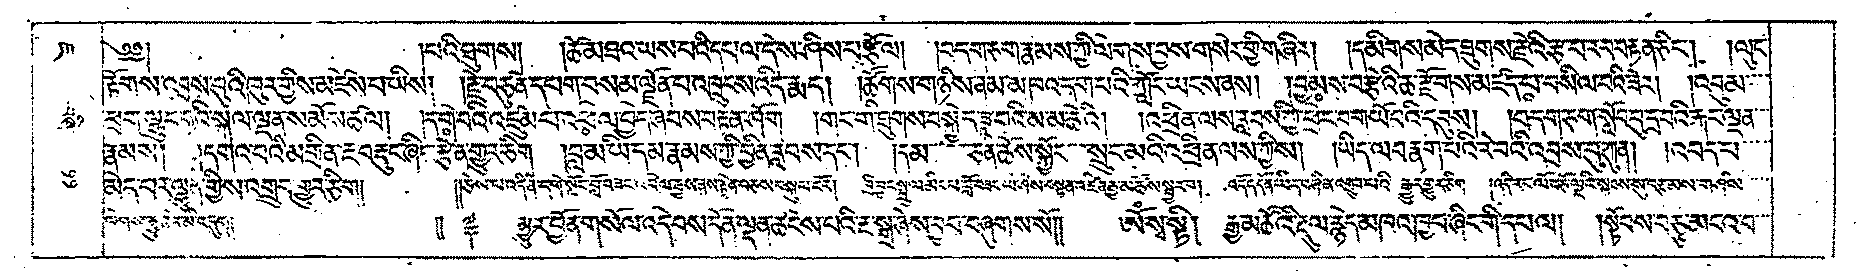༄༅། །པའི་ཐུགས། །ཚེ་མཐའ་ཡས་པའི་དཔལ་དེས་ཤིས་བརྩོལ། །བདག་ཅག་རྣམས་ཀྱི་ལེགས་བྱས་གསེར་གྱི་གཞིར། །དམིགས་མེད་ཐུགས་རྗེའི་རྩ་བ་རབ་བརྟན་ཅིང་། །ལུང་
རྟོགས་འབྲས་བུའི་ཁུར་གྱིས་མཛེས་པ་ཡིས། །རྗེ་བཙུན་དཔག་བསམ་ལྗོན་པ་འཁྲུངས་འདི་རྨད། །ཚོགས་གཉིས་ནམ་མཁའ་དག་པའི་ཀློང་ཡངས་ནས། །བྱམས྾་བརྩེའི་ཆ་རྫོགས་མཛད་པ྾་བསིལ་བའི་ཟེར། །འབུམ་
ཕྲག་ལྷུང་བའི་སྐལ་ལྡན་ས་མོས་ཚལ། །དགེ྾་བའི་འཛུམ་པ་འཕེལ྾་བྱེད་ཞབས་བརྟན་ཤོག །གང་གི་ཐུགས་བསྐྱེད་ཟླ་བའི་མ་མ་ཆེའི། །འཕྲིན་ལས་རླབས་ཀྱི་ཕྲེང་བ་གཡོ་བའི་དབུས། །བདག་ཅག་སློབ་བུ་དྲ་བའི་རྐང་ལྡན་
རྣམས། །དགའ་བའི་མགྲིན་རྔ་བརྡུང་ཞིང་རྩེན་གྱུར་ཅིག །བླ་མ་ཡི་དམ་རྣམས་ཀྱི་བྱིན་རླབས་དང་། །དམ་ཅན་ཆོས་སྐྱོང་སྲུང་མའི་འཕྲིན་ལས་ཀྱིས། །ཡིད་ལ་བརྣག་པའི་རེ་བའི་འབྲས་བུ་ཀུན། །འབད་པ་
མེད་པར་ལྷུན་གྱིས་འགྲུབ་གྱུར་ཅིག ། །།ཅེས་པ་འདི་ནི་དགེ་སློང་བློ་བཟང་འཕེལ་རྒྱས་ནས་རྟེན་བཅས་བསྐུལ་ངོར། ཁྲི་བྱང་སྤྲུལ་མིང་པ་བློ་བཟང་ཡེ་ཤེས་བསྟན་འཛིན་རྒྱ་མཚོས་སྦྱར་བ། འདོད་དོན་ཡིད་བཞིན་འགྲུབ་པའི་རྒྱུར་གྱུར་ཅིག །འདི་རང་ལོ་བཅོ་ལྔའི་སྐབས་སུ་བརྩམས་གཤིས་
ལེགས་རྒྱུ་ཆེར་མི་འདུག ། །། ༈ མྱུར་བྱོན་གསོལ་འདེབས་དོན་ལྡན་ཚངས་པའི་རྔ་སྒྲ་ཞེས་བྱ་བ་བཞུགས་སོ། །ཨོཾ་སྭ་སྟི། རྒྱ་མཚོའི་རྡུལ་རྙེད་མཁའ་ཁྱབ་ཞིང་གི་དཔལ། །སྟོབས་བཅུ་མངའ་བ་